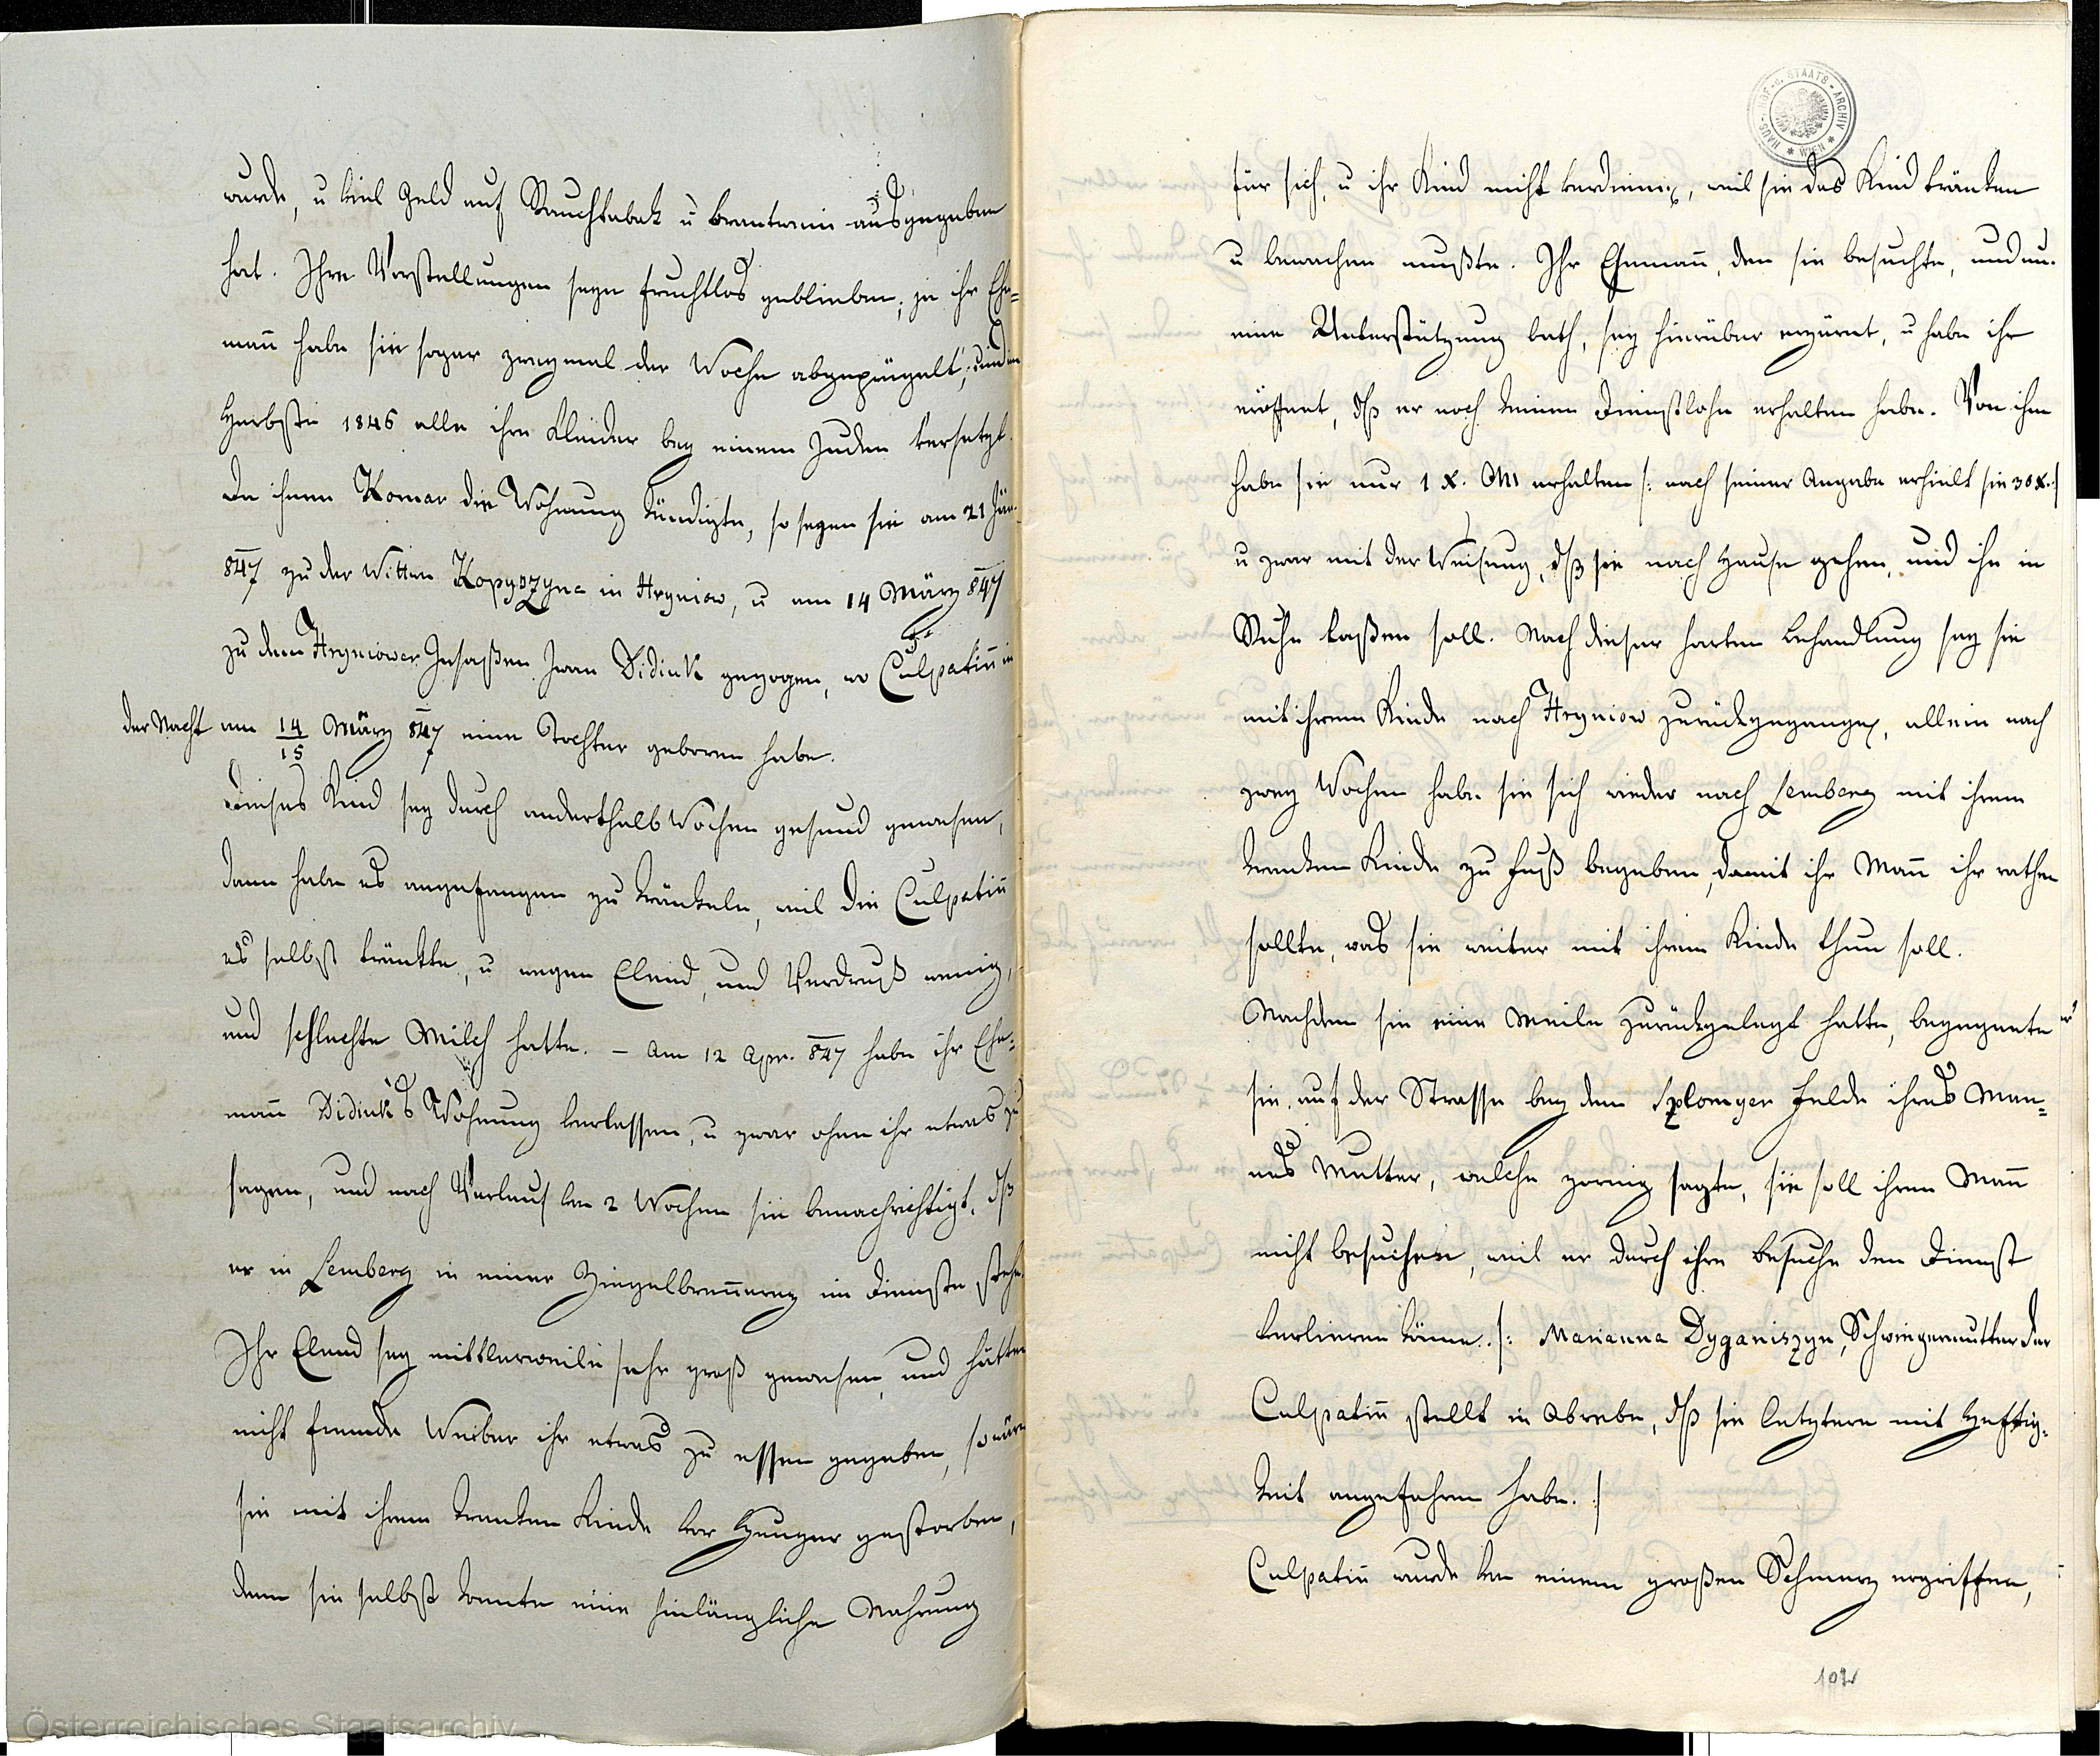wurde, u. lies Geld auf Rauchtabak u. Branntwein ausgegeben
hat. Ihre Vorstellungen seyn fruchtlos geblieben; ja ihr Ehe¬
mann habe sie sogar zweymal der Woche abgeprügelt, und in
Herbste 1846 alle ihre Kleider bey einem Juden versetzt.
Da ihnen Komar die Wohnung kündigte, so segen sie am 32. Jän.
847 zu der Wittwe Kopyszyna in Hryniow, u. am 14. März 847
zu dem Hryniower Insaßen Ivan Didiuk gezogen, wo Culpatiu in
der Nacht am 14/15 März 847 eine Tochter geboren habe.
Dieses Kind sey durch anderthalb Wochen gesund gewesen,
dann habe es angefangen zu kränkeln, weil die Culpatiu
es selbst tränkte [suckle], u wegen Elend und Verdruß wenig
und schlechte Milch hatte. Am 12 Apr 847 habe ihr Ehe¬
mann Didiuk’s Wohnung verlassen u. zwar ohne ihr etwas zu
sagen, und nach Verlauf von 2 Wochen sie benachrichtigt, daß
er in Lemberg in einer Ziegelbrennung in Dienste stehe.
Ihr Elend sey mittlerweile sehr groß gewesen und hätten
nicht fremde Weiber ihr etwas zu essen gegeben, so ware
sie mit ihren kranken Kinde vor Hunger gestorben,
denn sie selbst konnte eine hinlängliche Nahrung
für sich u. ihr Kind nicht verdienen, weil sie das Kind tränken
u. bewachen mußte. Ihr Ehemann, den sie besuchte, und um
eine Uberstützung bath, sey hierüber erzürnt, u. habe ihr
aüssert, daß er noch kein Dienstlohn erhalten habe. Von ihm
habe sie nur 1 x OW erhalten (nach seiner Angabe erhielt sie 36 x)
u zwar mit der Weisung, daß sie nach Hause gehen, und ihn in
Ruhe laßen soll. Nach dieser harten Behandlung sey sie
mit ihrem Kinde nach Hryniow zurückgegangen, allein nach
zwey Wochen habe sie sich wieder nach Lemberg mit ihrem
kranken Kinde zu Fuß begeben, damit ihr Mann ihr rathen
sollte, was sie weiter mit ihrem Kinde thun soll.
Nachdem sie eine Meile zurückgelegt hatte, begegnete
sie auf der Strasse bey dem Szolmyer Felde ihres Man¬
nes Mutter, welche zornig sagte, sie soll ihren Mann
nicht besuchen, weil er durch ihre Besuch den Dienst
verlieren könne. (Marianna Dyganiszyn, Schwiegermutter der
Culpatiu stellt in Abrede, daß sie letztere mit Heftig¬
keit angefahren habe.)
Culpatiu wurde von einem großen Schmerz ergriffen,